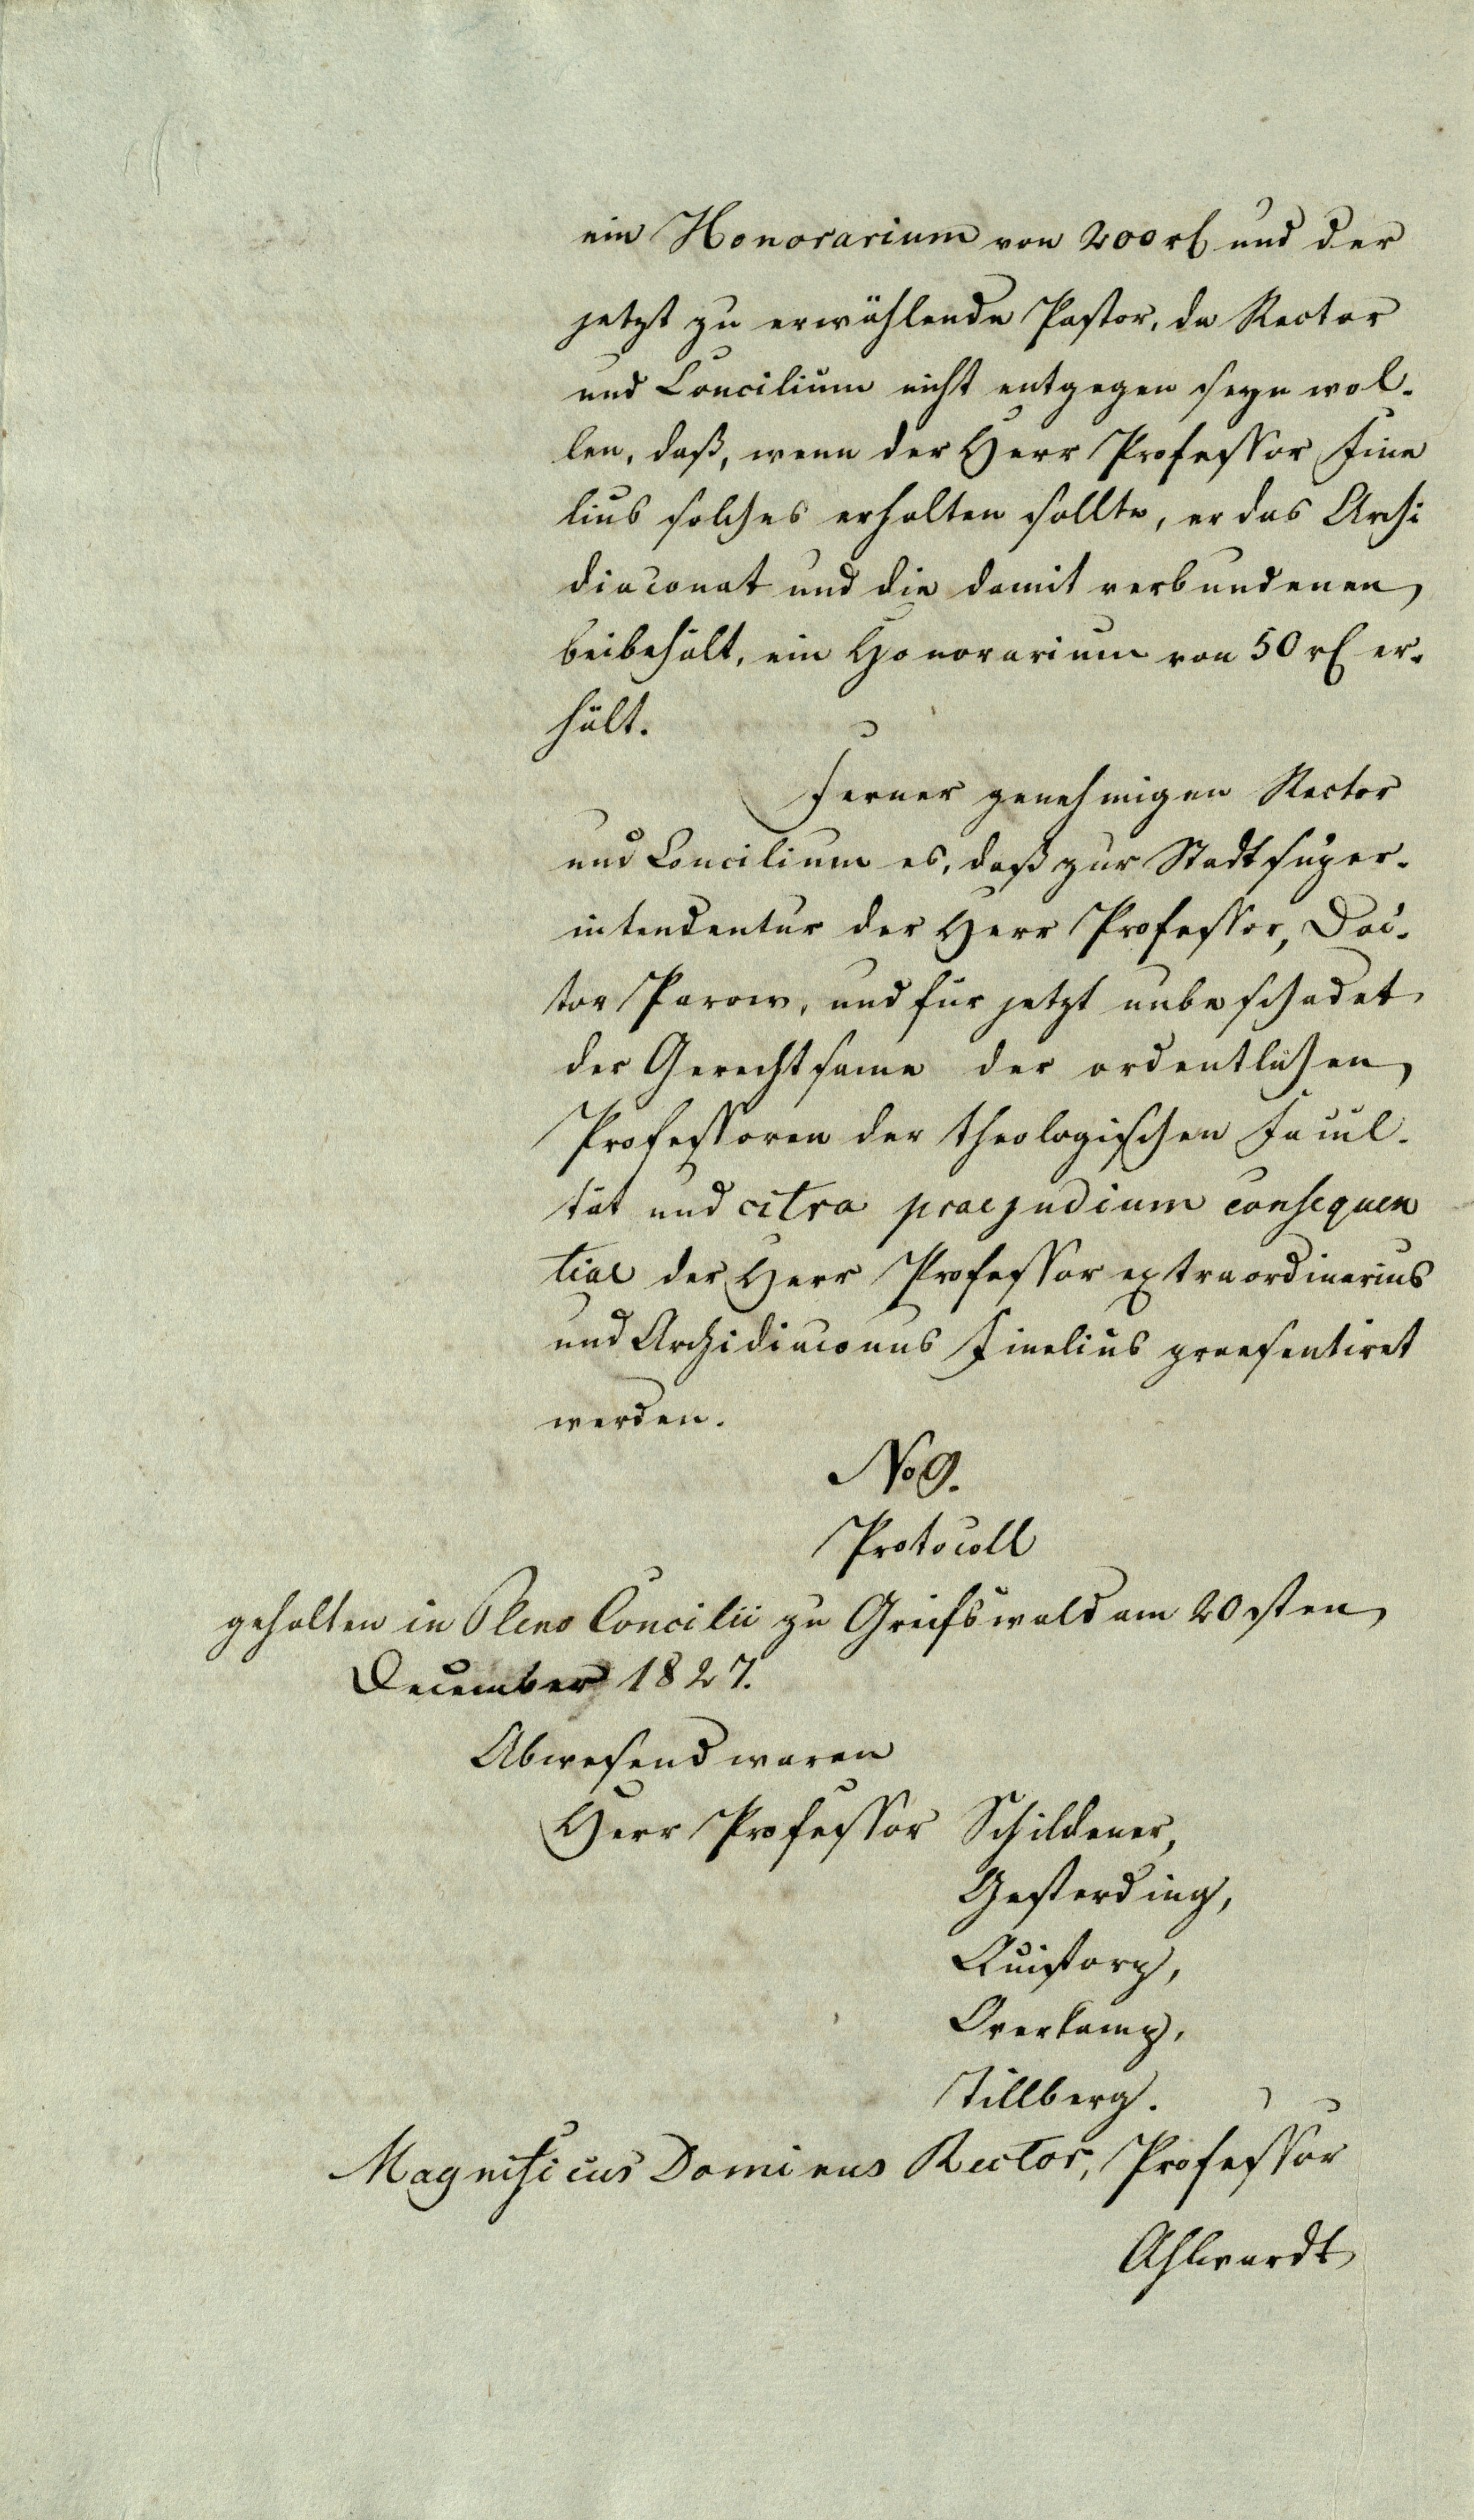ein Honorarium von 200 rl und der
jetzt zu erwählende Pastor, da Rector
und Concilium nicht entgegen seyn wol¬
len, daß, wenn der Herr Professor Fin¬
lius solches erhalten sollte, er das Archi¬
diaconat und die damit verbundenen
beibehält, ein Honorarium von 50 rl er¬
hält.
Ferner genehmigen Rector
und Concilium es, daß zur Stadt super¬
intendentur der Herr Professor, Doc¬
tor Parow, und für jetzt unbeschadet
der Gerechtsame der ordentlichen
Professoren der theologischen Facul¬
tät und citra prae judium consequen¬
tiae der Herr Professor extraordinarius
und Archidiaconus Finelius praesentiret
werden.
No 9.
Protocoll
gehalten in Pleno Concilii zu Greifswald am 20 sten,
December 1827.
Abwesend waren
Herr Professor Schildener,
Gesterding,
Quistorp,
Overkamp,
Tillberg.
Magnificus Dominus Rector, Professor
Ahlwardt